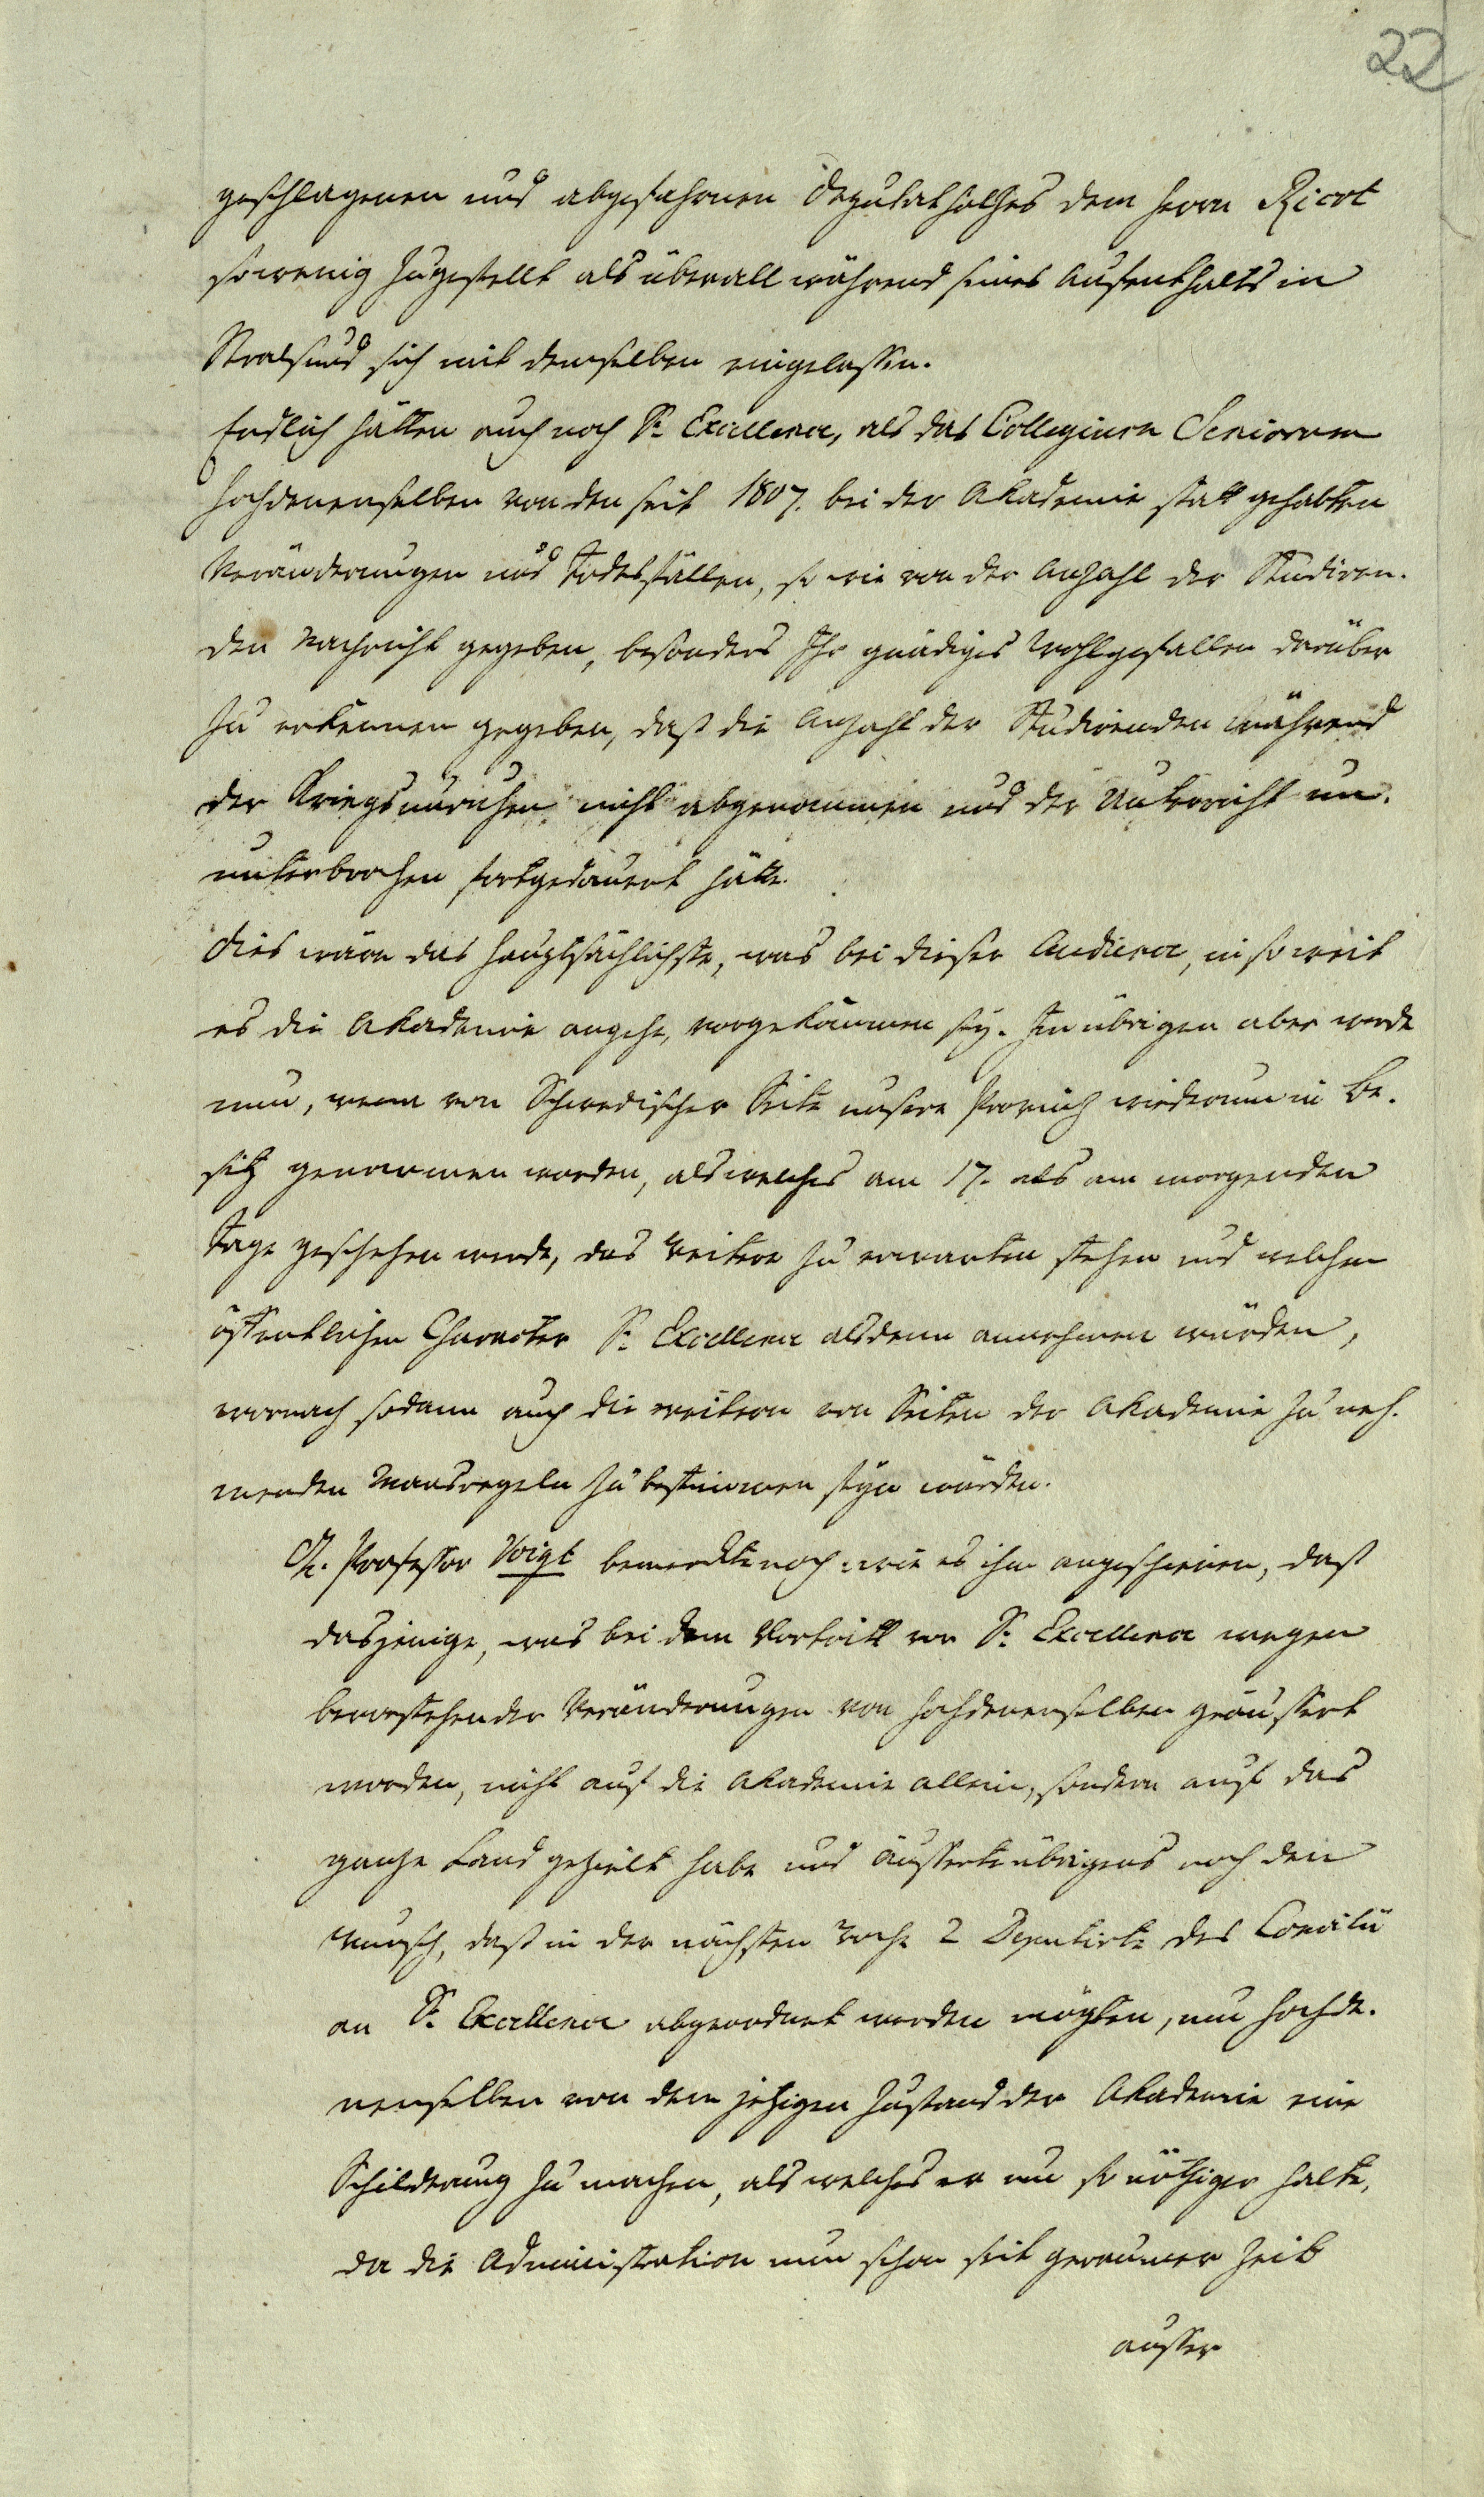geschlagenen und abgefahrnen Deputatholzes dem Herrn Ricot
sowenig zugestellt als überall während seines Aufenthalts in
Stralsund sich mit demselben eingelassen.
Endlich hätten auch noch Sr Excellence, als das Collegium Seniorum
Hochdenenselben von den seit 1807. bei der Akademie statt gehabten
Veränderungen und Todesfällen, so wie von der Anzahl der Studiren¬
den Nachricht gegeben, besonders Ihr gnädiges Wohlgefallen darüber
zu erkennen gegeben, daß die Anzahl der Studirenden während
der Kriegsunruhen nicht abgenommen und der Unterricht un¬
unterbrochen fortgedauert hätte.
Dies wäre das Hauptsächlichste, was bei dieser Audience, in so weit
es die Akademie angehe, vorgekommen seÿ. Im übrigen aber werde
nun, wenn von Schwedischer Seite unsere Provinz wiederum in Be¬
sitz genommen worden, als welches am 17. als am morgenden
Tage geschehen werde, das Weitere zu erwarten stehen und welchen
öffentlichen Character Sr Excellence alsdenn annehmen würden,
wornach sodann auch die weitern von Seiten der Akademie zu neh¬
menden Maasregeln zu bestimmen seÿn würden.
dh. Professor Voigt bemerckte noch wie es ihn angeschienen, daß
dasjenige, was bei dem Vortritt vor Sr. Excellence wegen
bevorstehender Veränderungen von Hochdenenselben geäussert
worden, nicht auf die Akademie allein, sondern auf das
ganze Land gezielt habe und äusserte übrigens noch den
Wunsch, daß in der nächsten Woche 2 Deputirte des Concilii
an Sr. Excellence abgeordnet werden mögten, um Hochde¬
nenselben von dem jetzigen Zustand der Akademie eine
Schilderung zu machen, als welches er um so nöthiger halte,
da die Administration nun schon seit geraumer Zeit
ausser